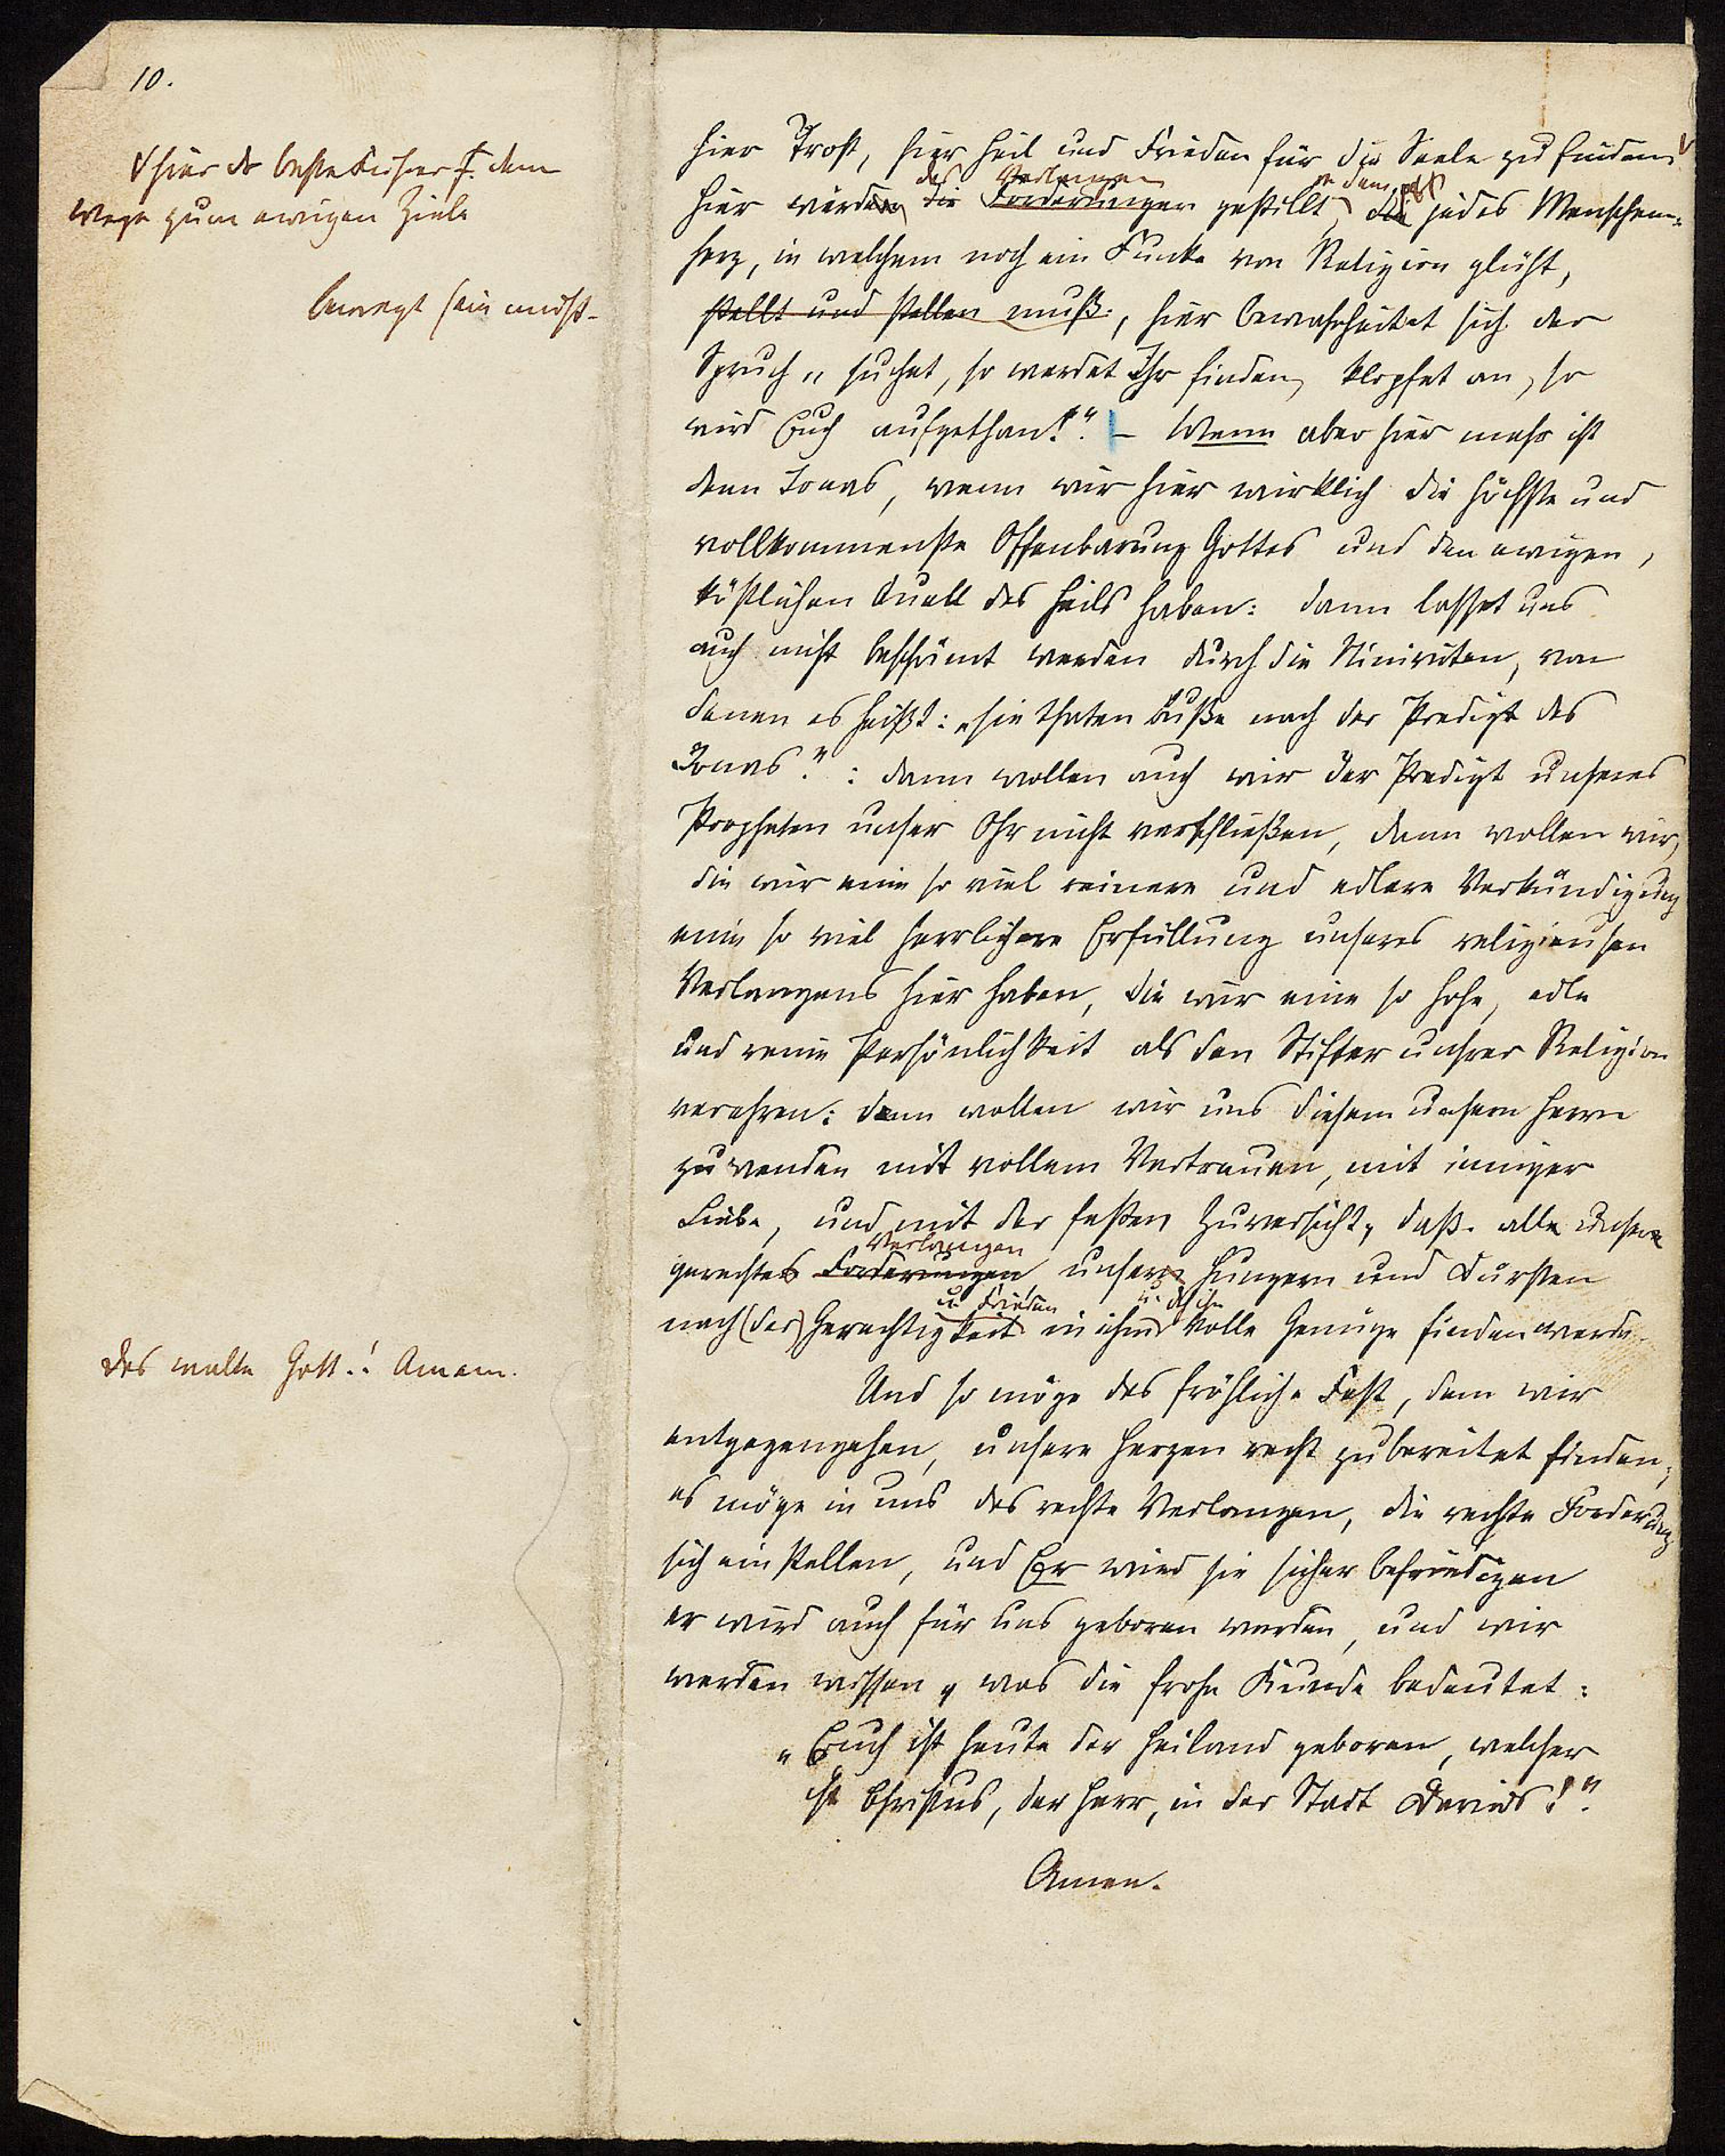10.
V hier dr beste Führer f dem
Wege zum ewigen Ziele
bewegt sein müßt.
das walte Gott.! Amen
hier Trost, hier Heil und Frieden für die Seele zu finden
das Verlangen
n. dem
Hier wirden die Forderungen gestillt, die jedes Menschen¬
herz, in welchem noch ein Fuke von Religion glüht,
stellt und stellen muß, hier bewahrheitet sich der
Spruch "suchet, so werdet Ihr finden, klopfet an, so
wird Euch aufgethan!" Wenn aber hier mehr ist
denn Jonas, wenn wir hier wirklich die höchste und
vollkommenste Offenbarung Gottes und den ewigen,
köstlichen Quell des Heils haben: dann lesset uns
auch nicht beschämt werden durch die Niniviten, von
denen es heißt: "sie thaten Buße nach der Predigt des
Jonas.": dann wollen auch wir der Predigt unseres
Propheten unser Ohr nicht verschließen, dann wollen wir,
die wir eine so viel reinere und edlere Verkündigung
eine so viel herrlichere Erfüllung unseres religieusen
Verlangens hier haben, die wir eine so hohe, edle
und reine Persönlichkeit als den Stifter unserer Religion
verehren: dann wollen wir uns diesem unserm Herrn
zuwenden mit vollem Vertrauen, mit inniger
Liebe, und mit der festen Zuversicht, daß alle unsre
Verlangen
gerechtes Forderungen unsern Hungern und Dürsten
durch ihn
und Frieden
nach (der) Gerechtigkeit in ihm volle Genüge finden werden
Und so möge das fröhliche Fest, dem wir
entgegengehen, unsere Herzen recht zubereitet finden,
es möge in uns das rechte Verlangen, die rechte Forderung
sich einstellen, und Er wird sie sicher befriedigen
er wird auch für uns geboren werden, und wir
werden wissen, was die frohe Kunde bedeutet:
"Euch ist heute der Heiland geboren, welcher
ist Christus, der Herr, in der Stadt Davids!"
Amen.